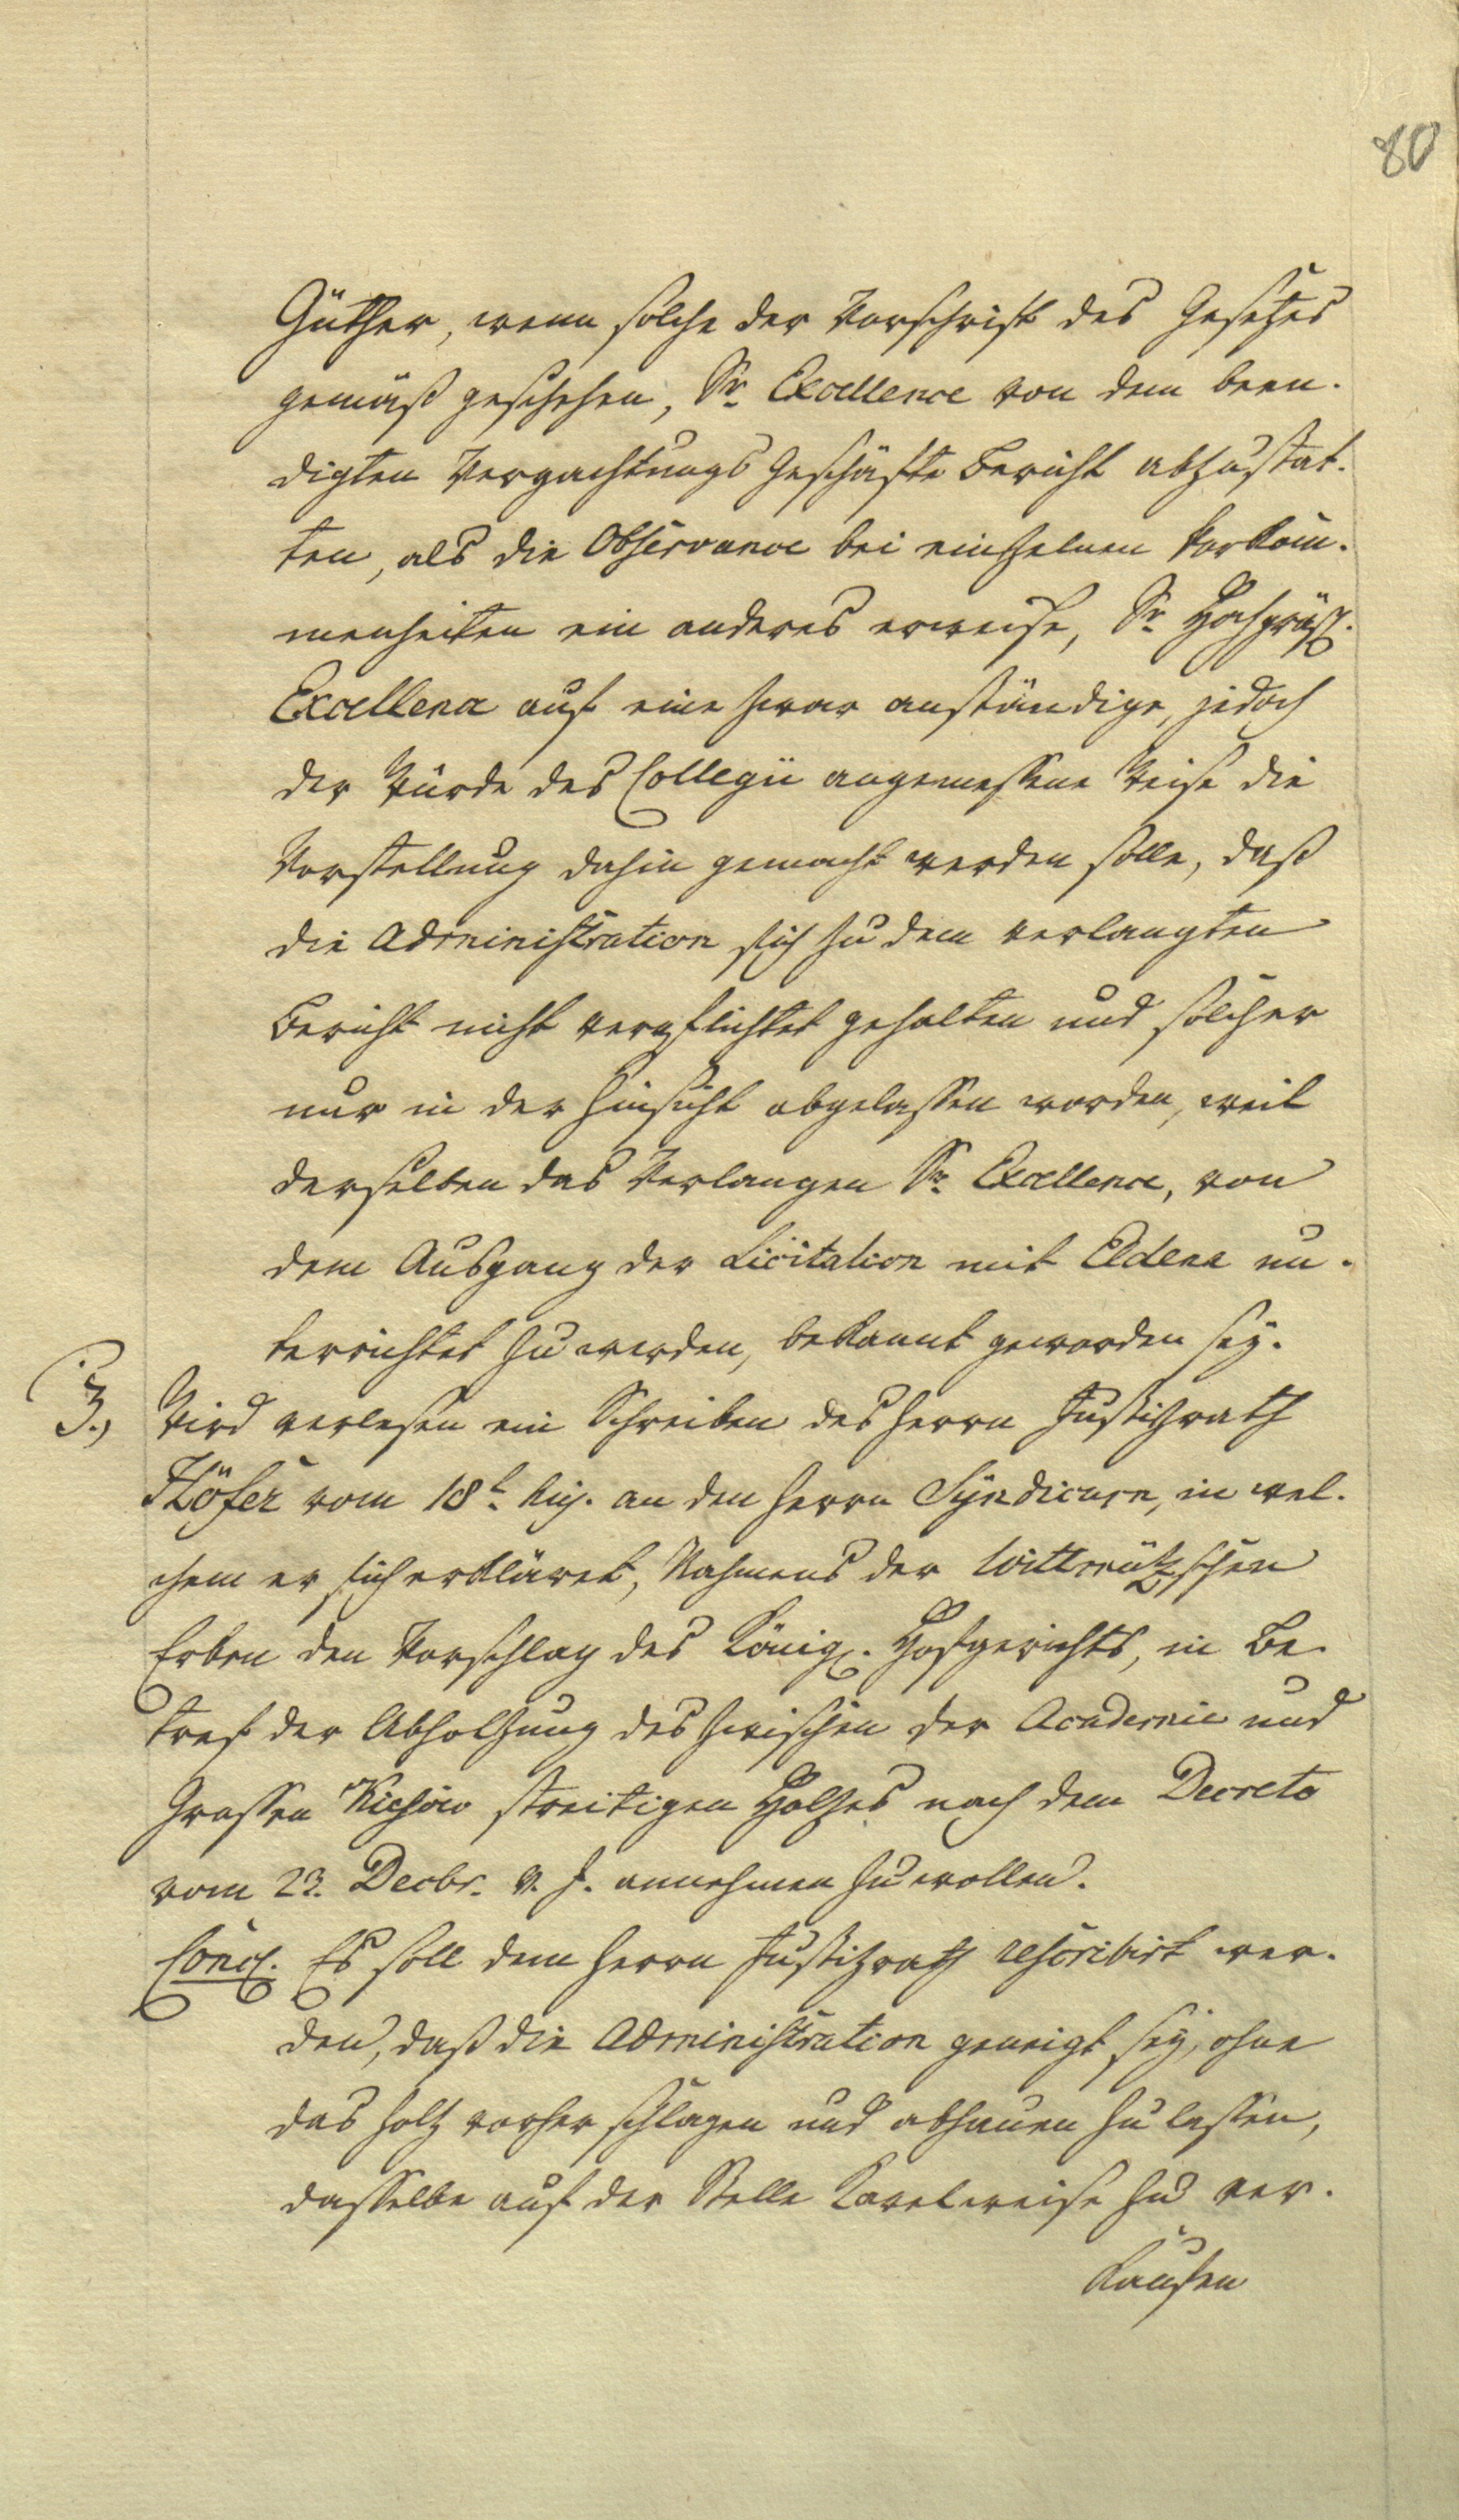Güther, wenn solche der Vorschrift des Gesetzes
gemäß geschehen, Sr Excellence von dem been¬
digten Verpachtungs Geschäfte Bericht abzustat¬
ten, als die Observance bei einzelnen Vorkom¬
menheiten ein anderes erweise, Sr Hochgräfl.
Excellence auf eine zwar anständige, jedoch
der Würde des Collegii angemessene Weise die
Vorstellung dahin gemacht werden solle, daß
die Administration sich zu dem verlangten
Bericht nicht verpflichtet gehalten und solcher
nur in der Hinsicht abgelassen worden, weil
derselben das Verlangen Sr Excellence, von
dem Ausgang der Licitation mit Eldena un¬
terrichtet zu werden, bekannt geworden seÿ.
3., Wird verlesen ein Schreiben des Herrn Justizrath
Höfer vom 18. huj. an den Herrn Sÿndicum, in wel¬
chem er sich erkläret, Nahmens der Wittmützschen
Erben den Vorschlag des Königl. Hofgerichts in Be¬
tref der Abholzung des zwischen der Academie und
Grossen Kiesow streitigen Holzes nach dem Decreto
vom 23. Decbr. v. J. annehmen zu wollen.
Concl. Es soll dem Herrn Justizrath rescribirt wer¬
den, daß die Administration geneigt seÿ, ohne
das Holz vorher schlagen und abhauen zu lassen,
dasselbe auf der Stelle Kavelweise zu ver¬
kaufen.